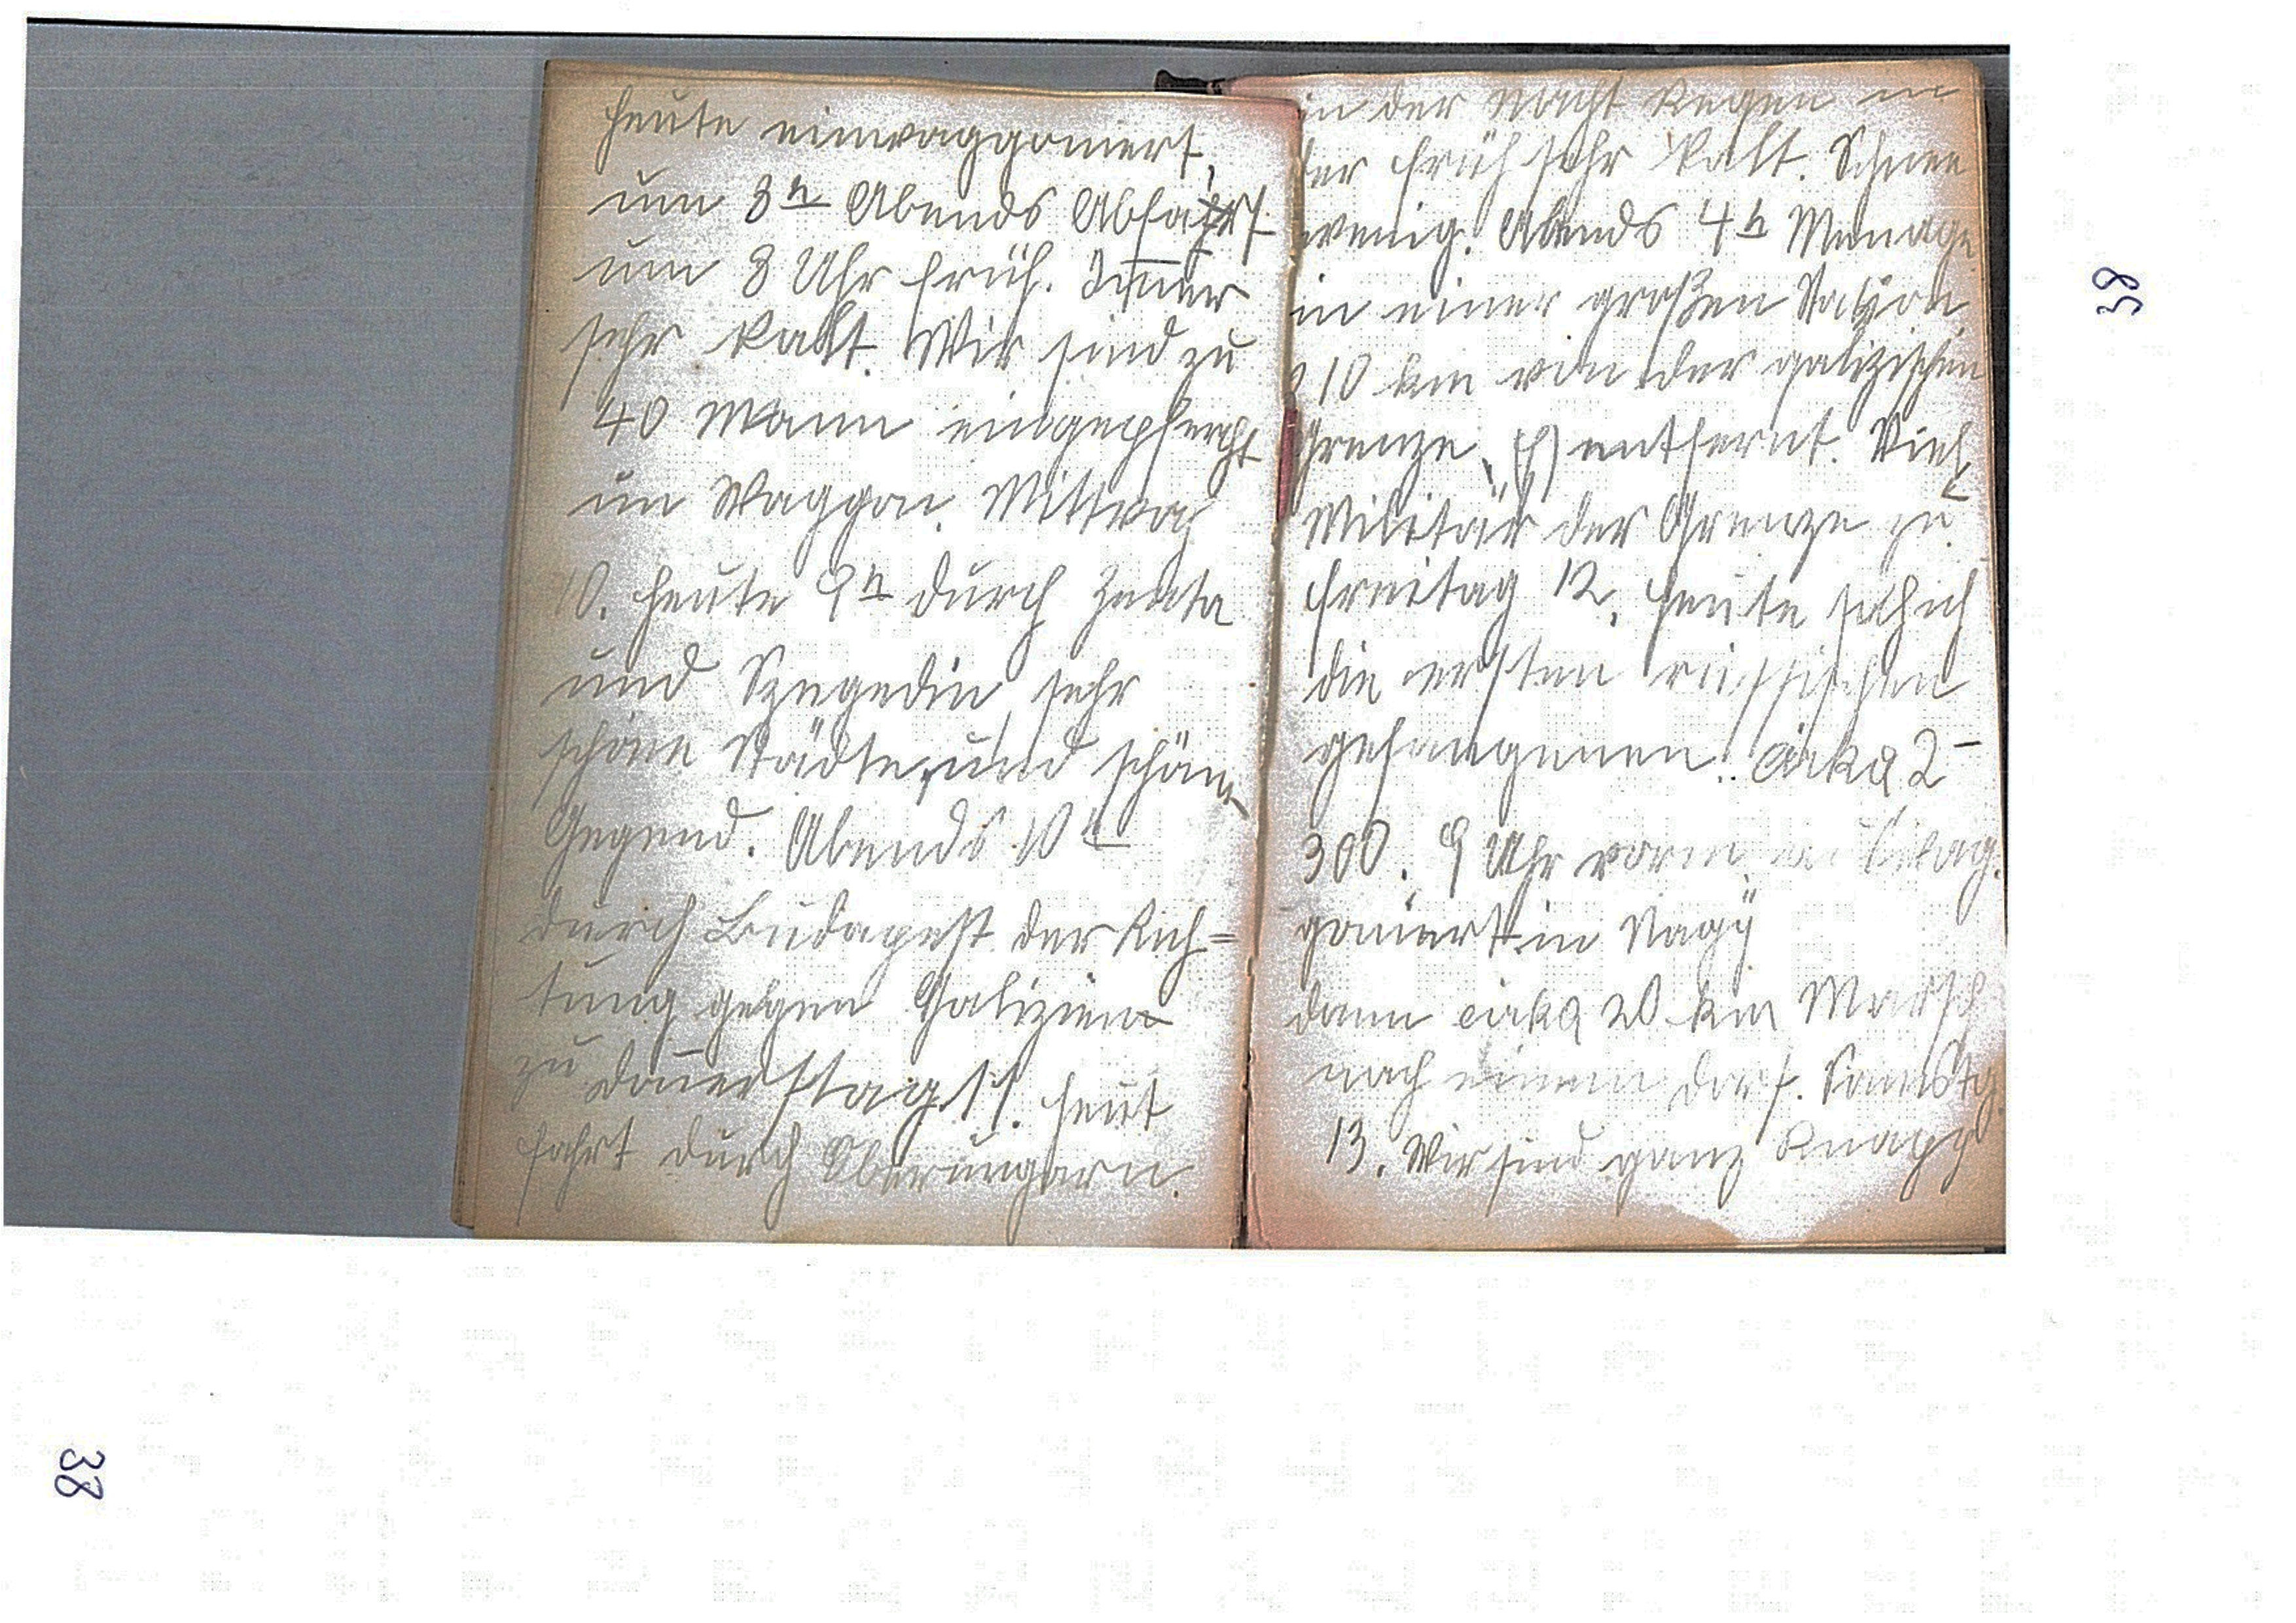heute einwaggoniert,
um 8h Abends Abends Abfahrt
um 8 Uhr früh. Immer
sehr kalt. Wir sind zu
40 Mann eingepfercht
im Waggon Mlttwoch
10. heute 9h durch Zento
und Szegedin, sehr
schöne Städte und schöne
Gegend. Abends 10h
durch Budapest der Rich-
tund gegen Galizienn
zu. Donnerstag 11. Heut
Fahrt durch Oberungarn.
in der Nacht Regen in
der Früh sehr kalt. Schnee
wenig. Abends 4h Menage
in einer großen Station
210 km von der galizischen
Grenze entfernt. Viel
Militär der Grenze zu.
Freitag 12 . Heute sah ich
die ersten russischen
Gefangenen cirka 2-
300. 9 Uhr vorm einwag-
goniert in Nagy.
dann cirka 20 km Marsch
durch ein Dorf. Samstag
13. Wir sind ganz Knapp